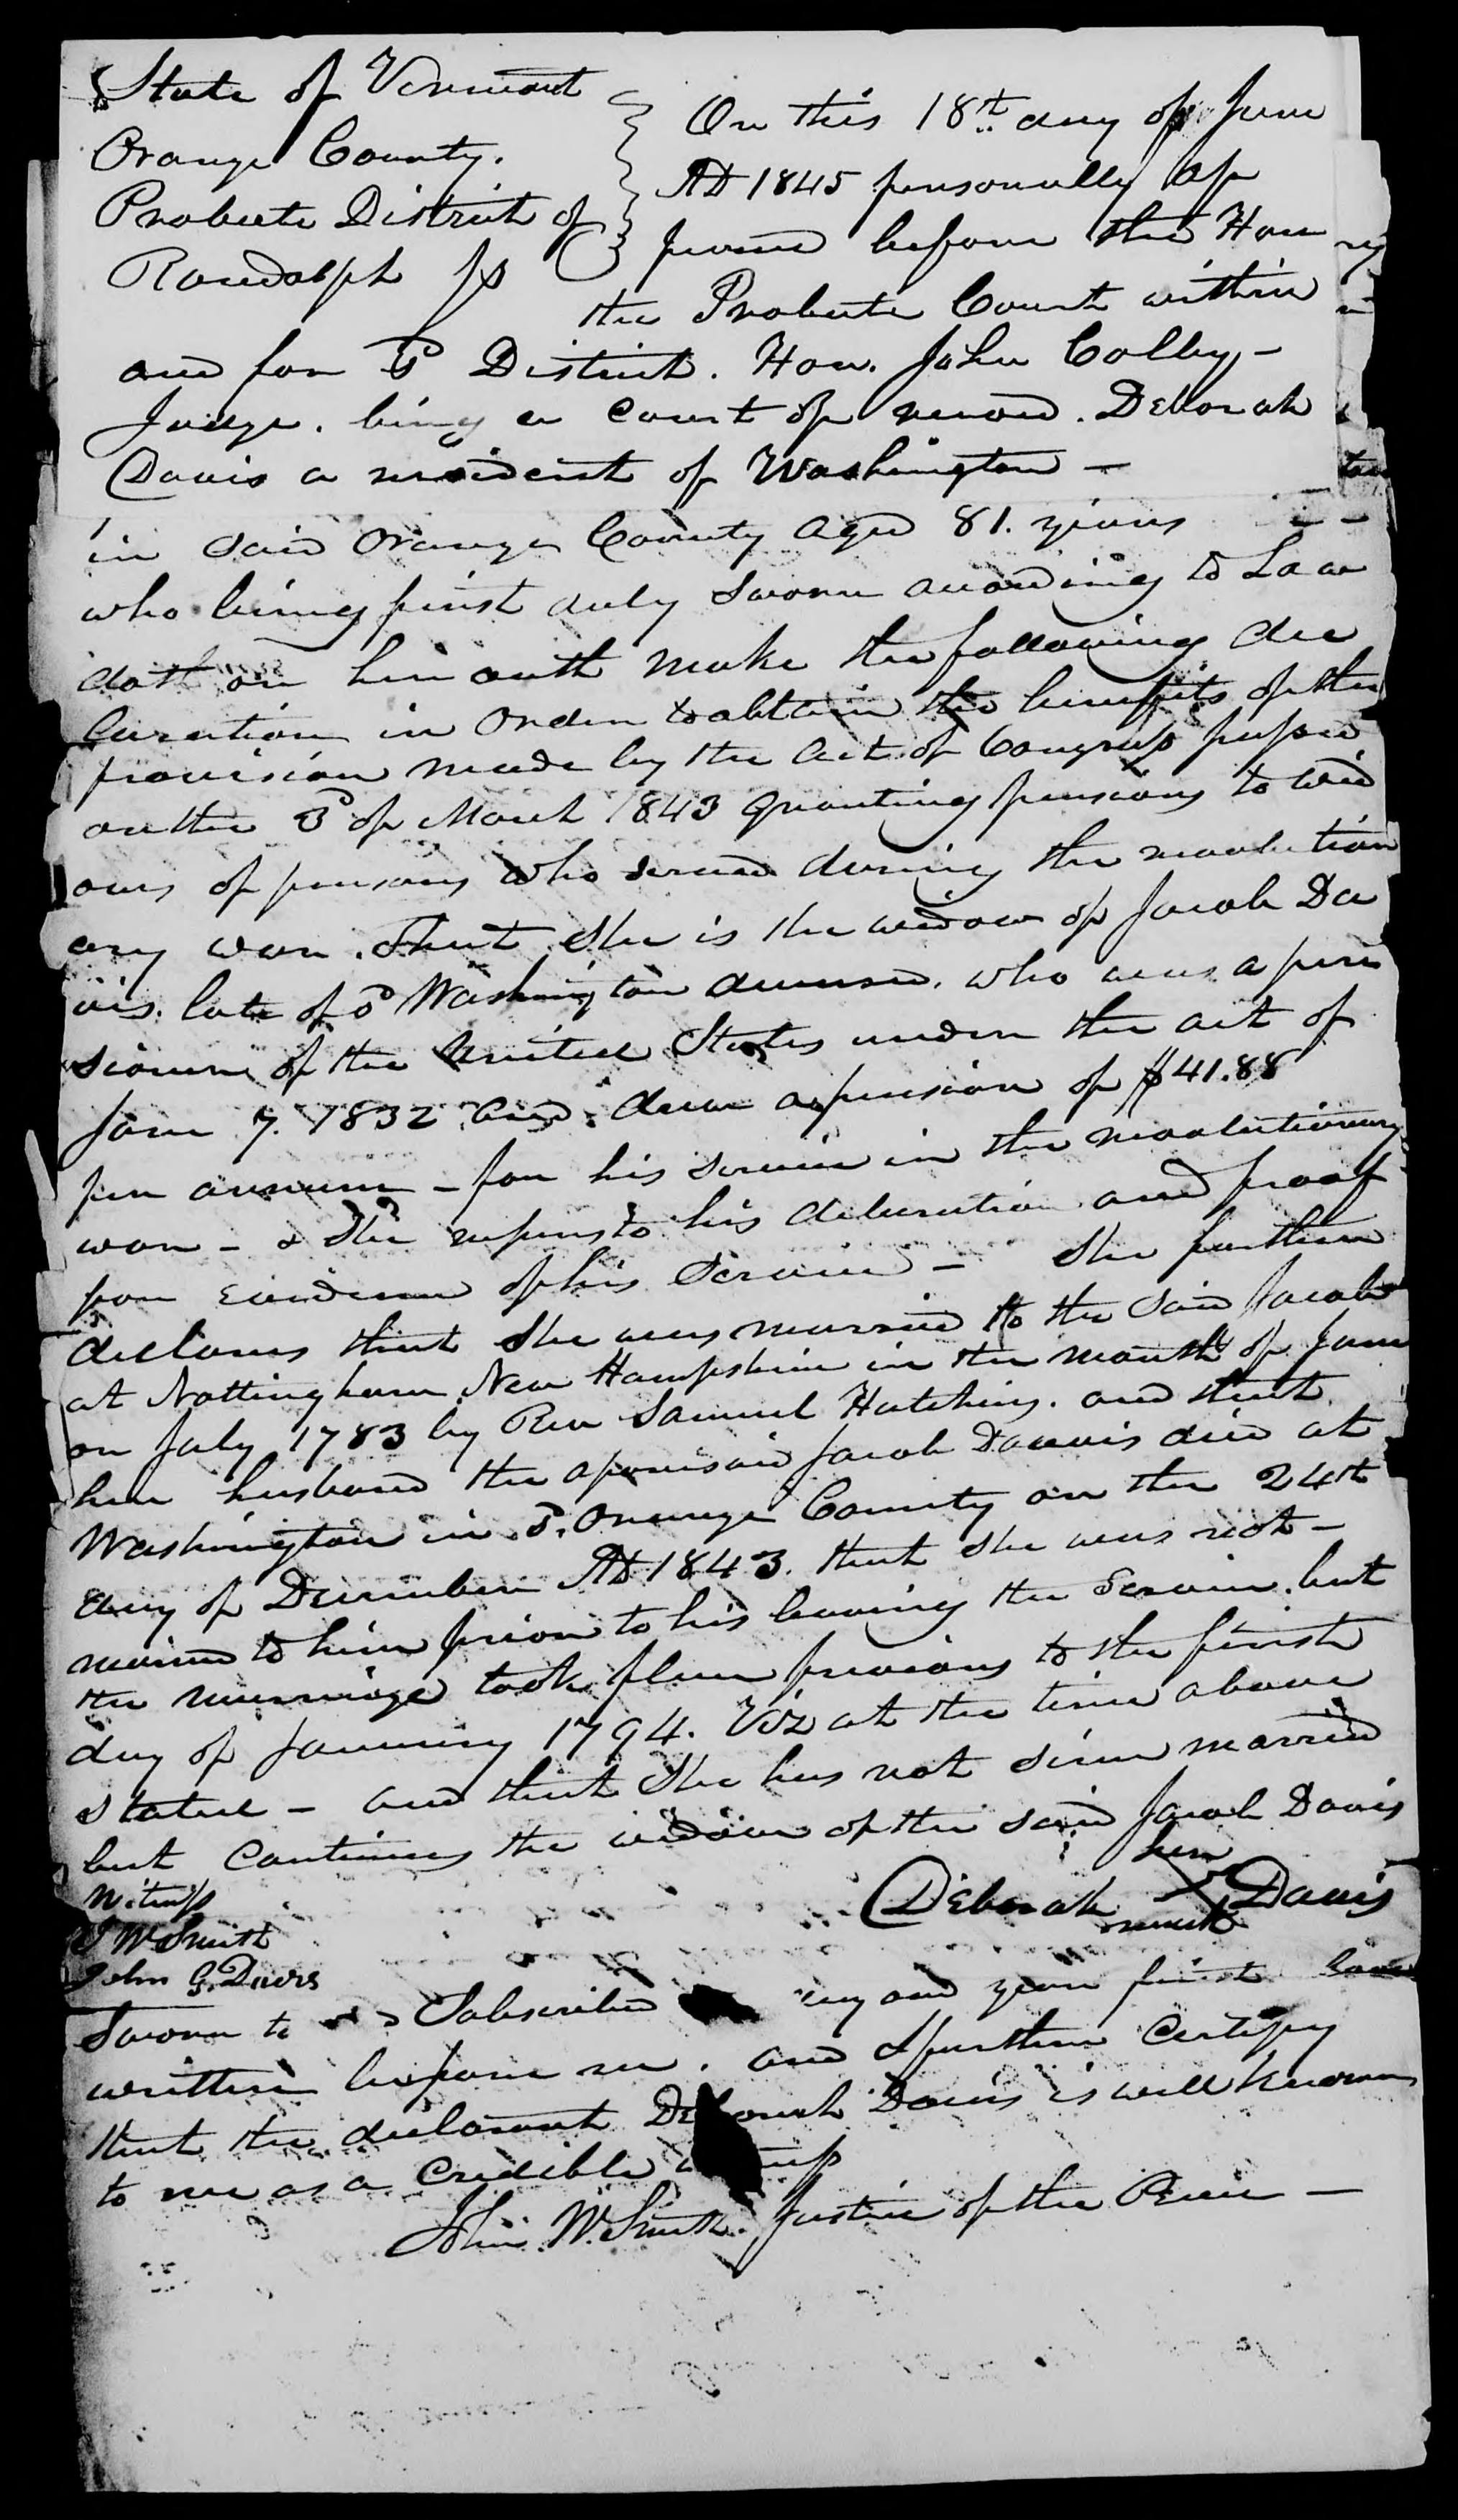State of Vermont
Orange County
Probate District of Randolph SS
On this 18th day of June AD 1845 personally appeared
before the Hon the Probate Court within and for sd [said] District. Hon. John Colby - Judge being a Court of record. Deborah Davis a resident of Washington in said Orange County aged 81 years - who being first duly Sworn according to Law doth on her oath make the following declaration in order to obtain the benefits of the
provision made by the Act of Congress passed on the 3d of March 1843 granting pensions to widows of persons who served during the revolutionary war. That She is the widow of Jacob Davis late of sd [said] Washington deceased, who was a pensioner of the United States under the act of Jan 7 1832 drew a pension of $41.88
per annum for his service in the revolutionary war-- and She refers to his declaration and proof from evidence of his service - She further declares that she was married to the said Jacob at Nottingham, New Hampshire in the month of June or July 1783 by Rev Samuel Hutchins and that husband the aforesaid Jacob Davis died at
Washington in sd [said] Orange County on the 24th
day of December AD 1843 that she was not married to him prior to his leaving the service but the marriage took place previous to the first day of January 1794 viz at the time above stated - and that she has not since married
but continues the widow of the said Jacob Davis
Deborah Davis her mark x
Witness
J W Smith
John G. Davis
Sworn to and Subscribed [illegible] day and year first [illegible] written before me. and I further certify that the 
declarant Deborah Davis is well known to me as a credible witness.
John W Smith Justice of the Peace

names: Jacob Davis, John W Smith, Jacob Davvis, Jacob, Deborah Davis, Samuel Hutchins, John G Davis, Deborah Davis, Deborah Davis, Jacob Davis, John Colley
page: 12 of 47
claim: widow's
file: W. 24043, Jacob Davis, N.H.